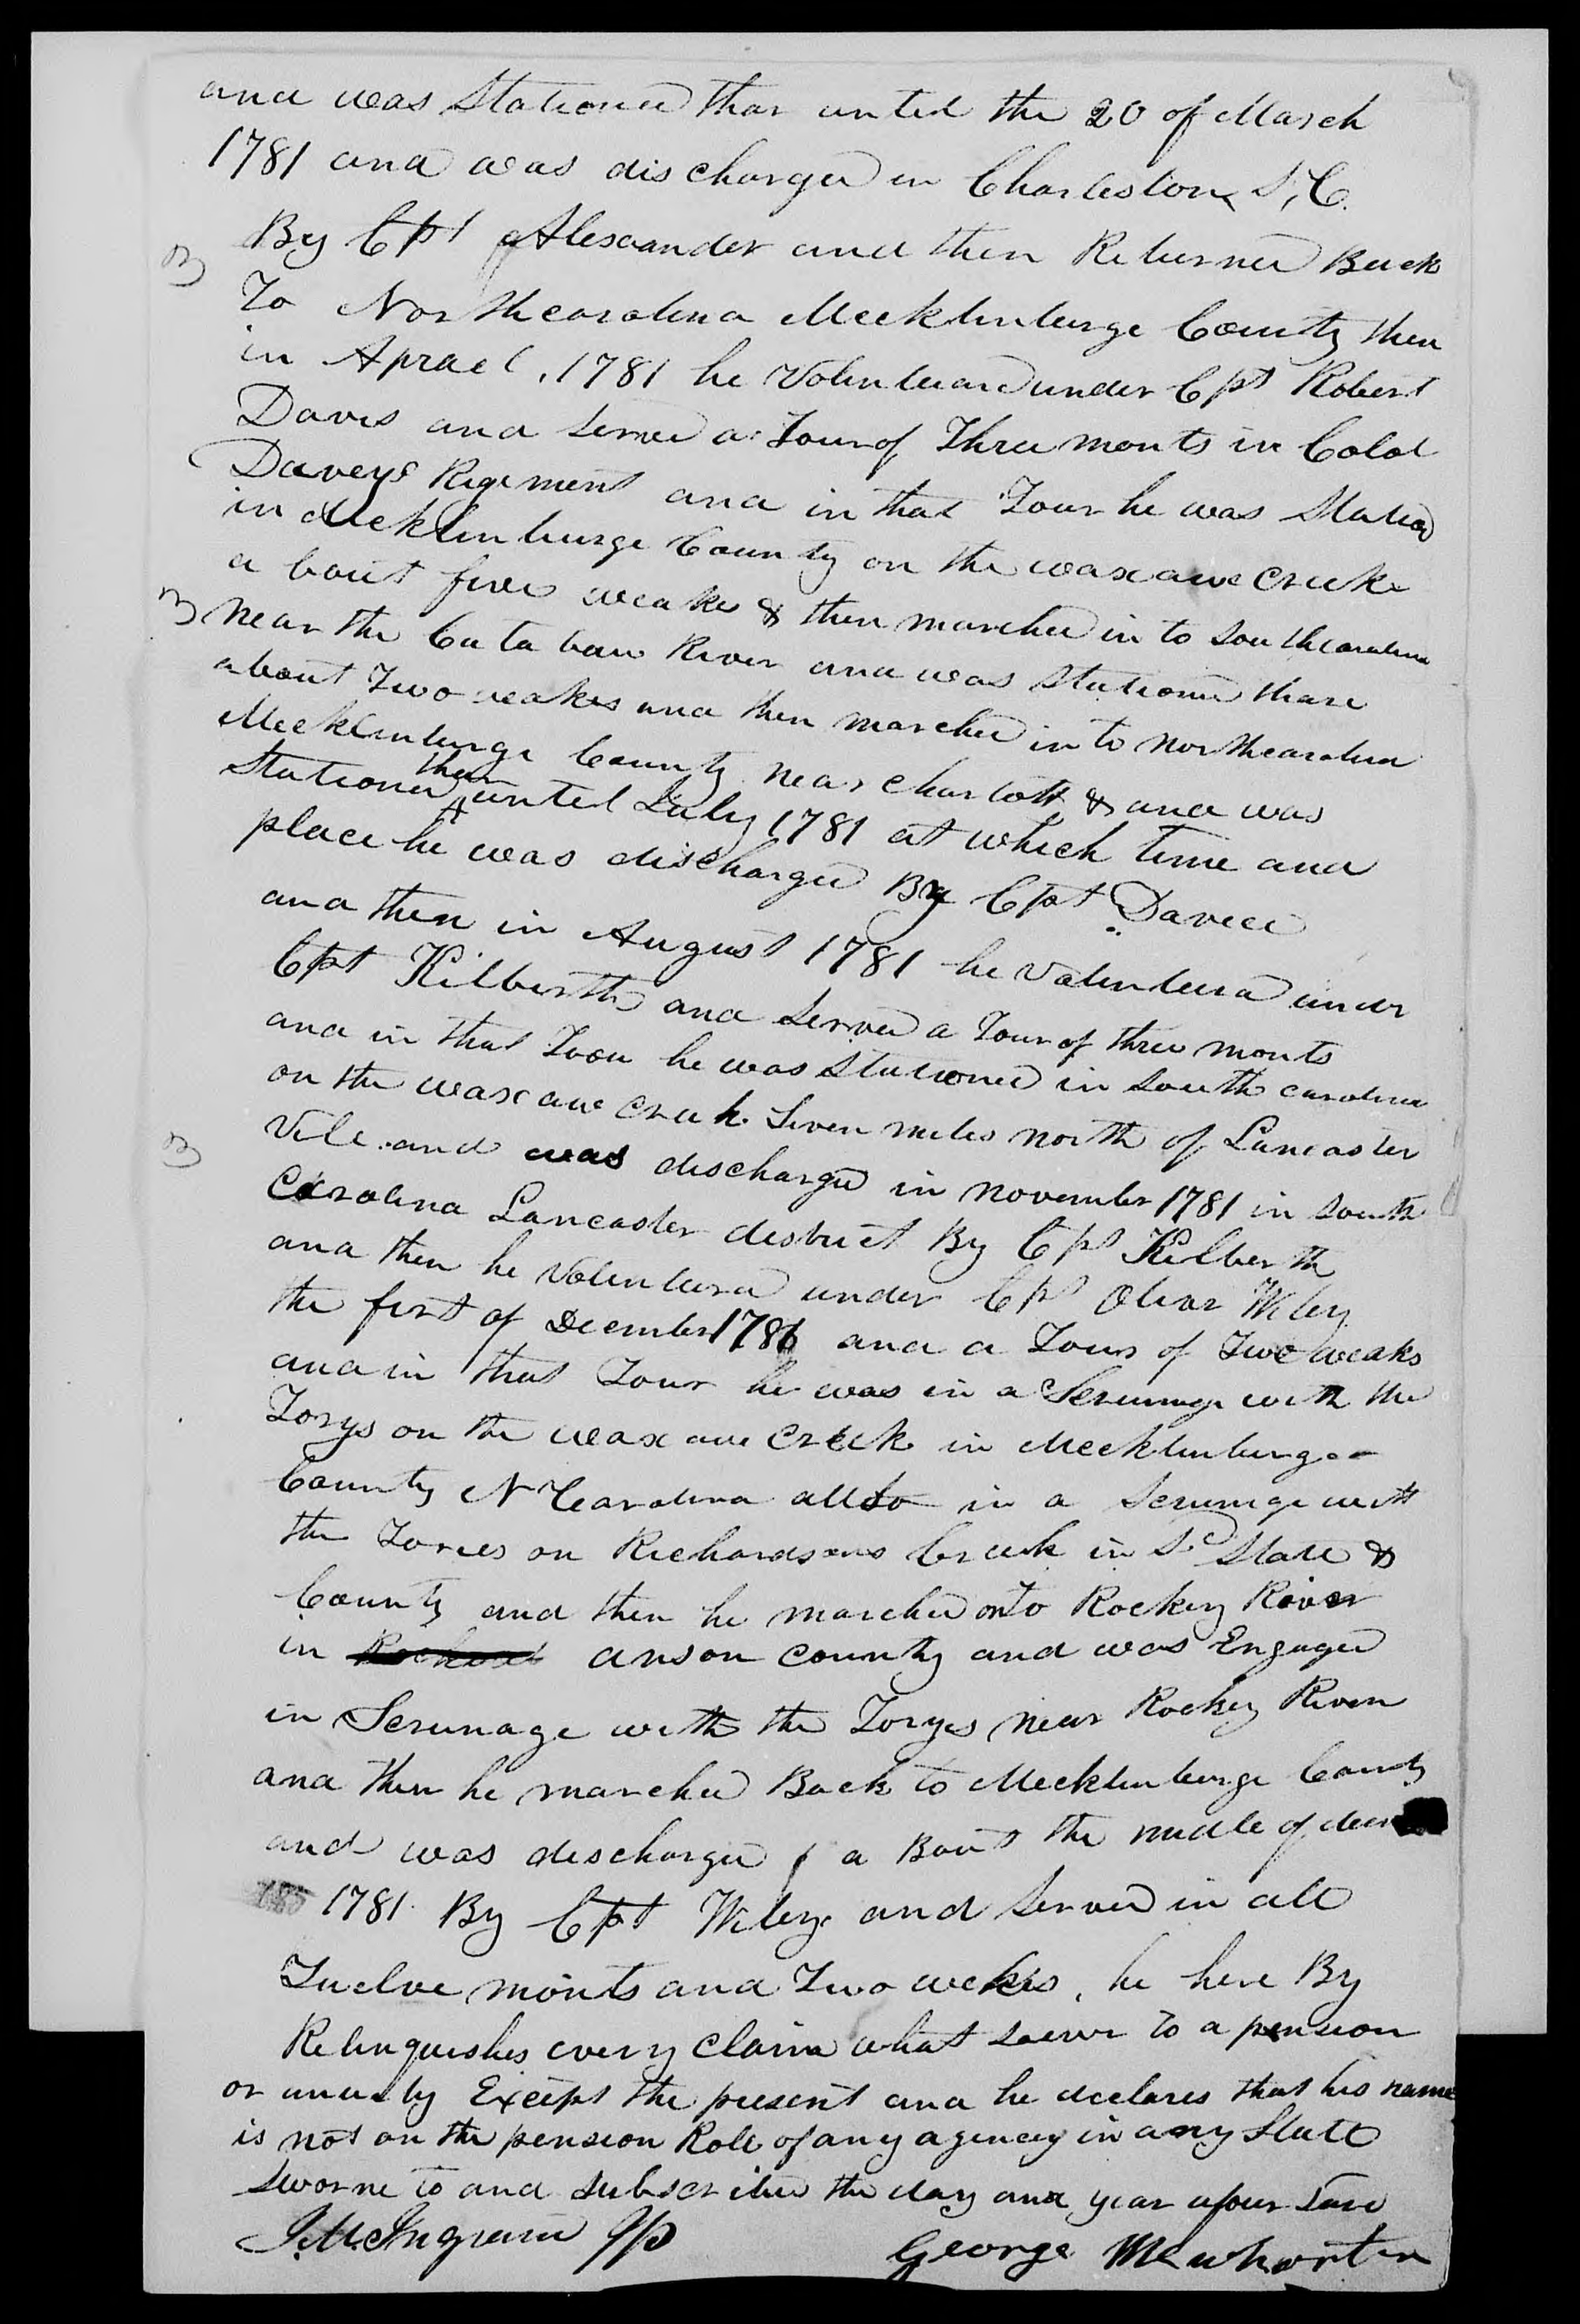and was stationed there until the 20 of March  1781 and was discharged in Charleston , S. C. by Capt Alexander and the returned back to North Carolina Mecklenburg County then in April ,1781 he volunteered under Capt Robert Davis and served a tour of three months in Colonel Davey's Regiment and in that tour he was  stationed in Mecklenburg  County on the warsaw creek about five weeks & then marched in to South Carolina near the Catawba River  and was stationed there about two weeks and then marched into North Carolina Mecklenburg County  marched to it & was stationed there until July 1781 at which time and place he was discharged by Capt Davies and then in August 1781 he volunteered under Capt  Kilbreth and served a tour of three months and in that tour he was stationed in South Carolina on the Waxhaw creek seven miles north of Lancasterville and was discharged in November 1781 in South Carolina Lancaster district by Capt Kilbreth and then he volunteered under Capt  Elias McCoy the first of December 1786 and a tour of two weeks and in that tour he was in a skirmish with the Torys on the Waxhaw creek in Mecklenburg County N. Carolina  also in a skirmish with the Tories on Richardson's  Creek  in  said State & County and then marched into Rocky River and the he marched back to Mecklenburg County and was discharged about the middle of Dec 1781 by Capt Wiley and served in all twelve months  and two weeks . he hereby relinquishes every claim whatso ever to a pension except the present and he declares that his name is not on the pension Roll of any agency in any State . Sworn to and subscribed the day and year upon said . George McWhorter ( signed ) J. M. Ingram ( signed ) JP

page: 27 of 35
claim: survivor's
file: S. 9,011, for George Mc Whorter, North Carolina